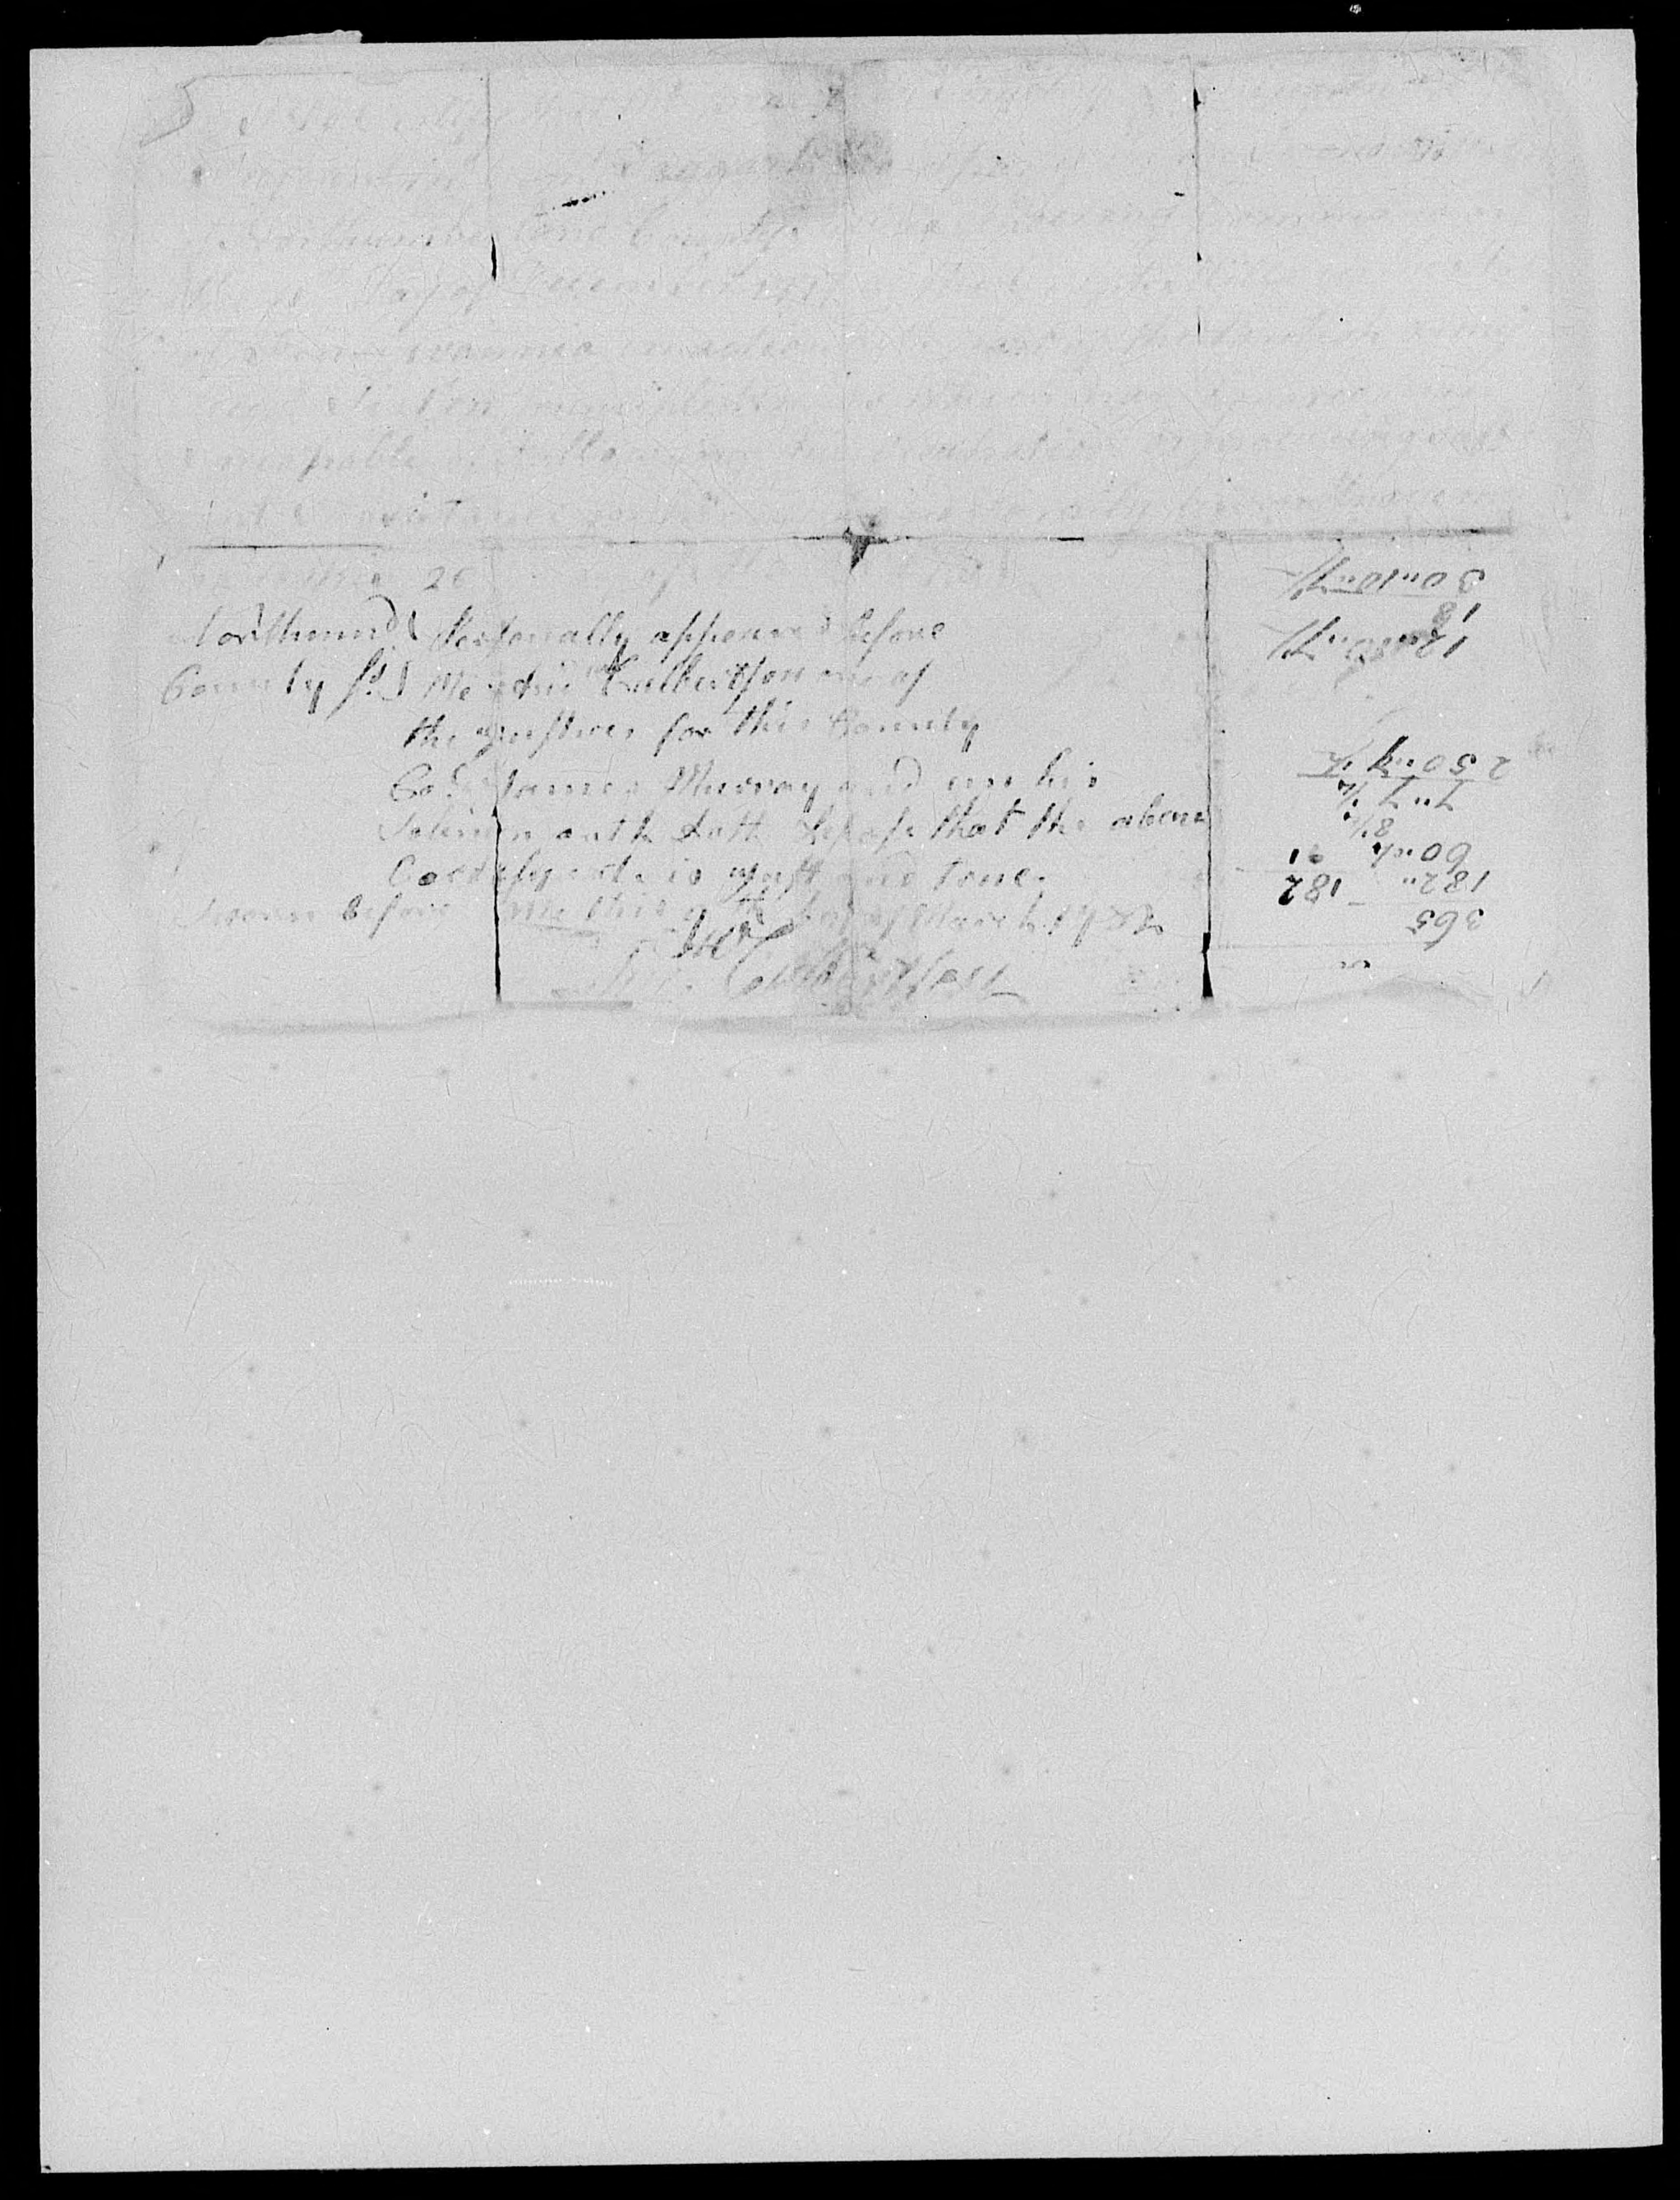(unintelligible) personally appeared before county (unintelligible) Culbertson one of the justices for this county Col. James Murray and on his solemn oath saith (unintelligible) that the above certificate is (official) and true. (unintelligible) before me this 9th day of March 1782.
                               A Culbertson
           
 (upside down calculations)    
 365
182"       182
  60"/1      91
         8 1/3
  7 ' ' 7  1/4
_____________
250' ' 1/2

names: A Culbertson; James Murrey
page: 13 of 14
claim: survivor's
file: S. 9749, for Timothy Lennonton, Pennsylvania